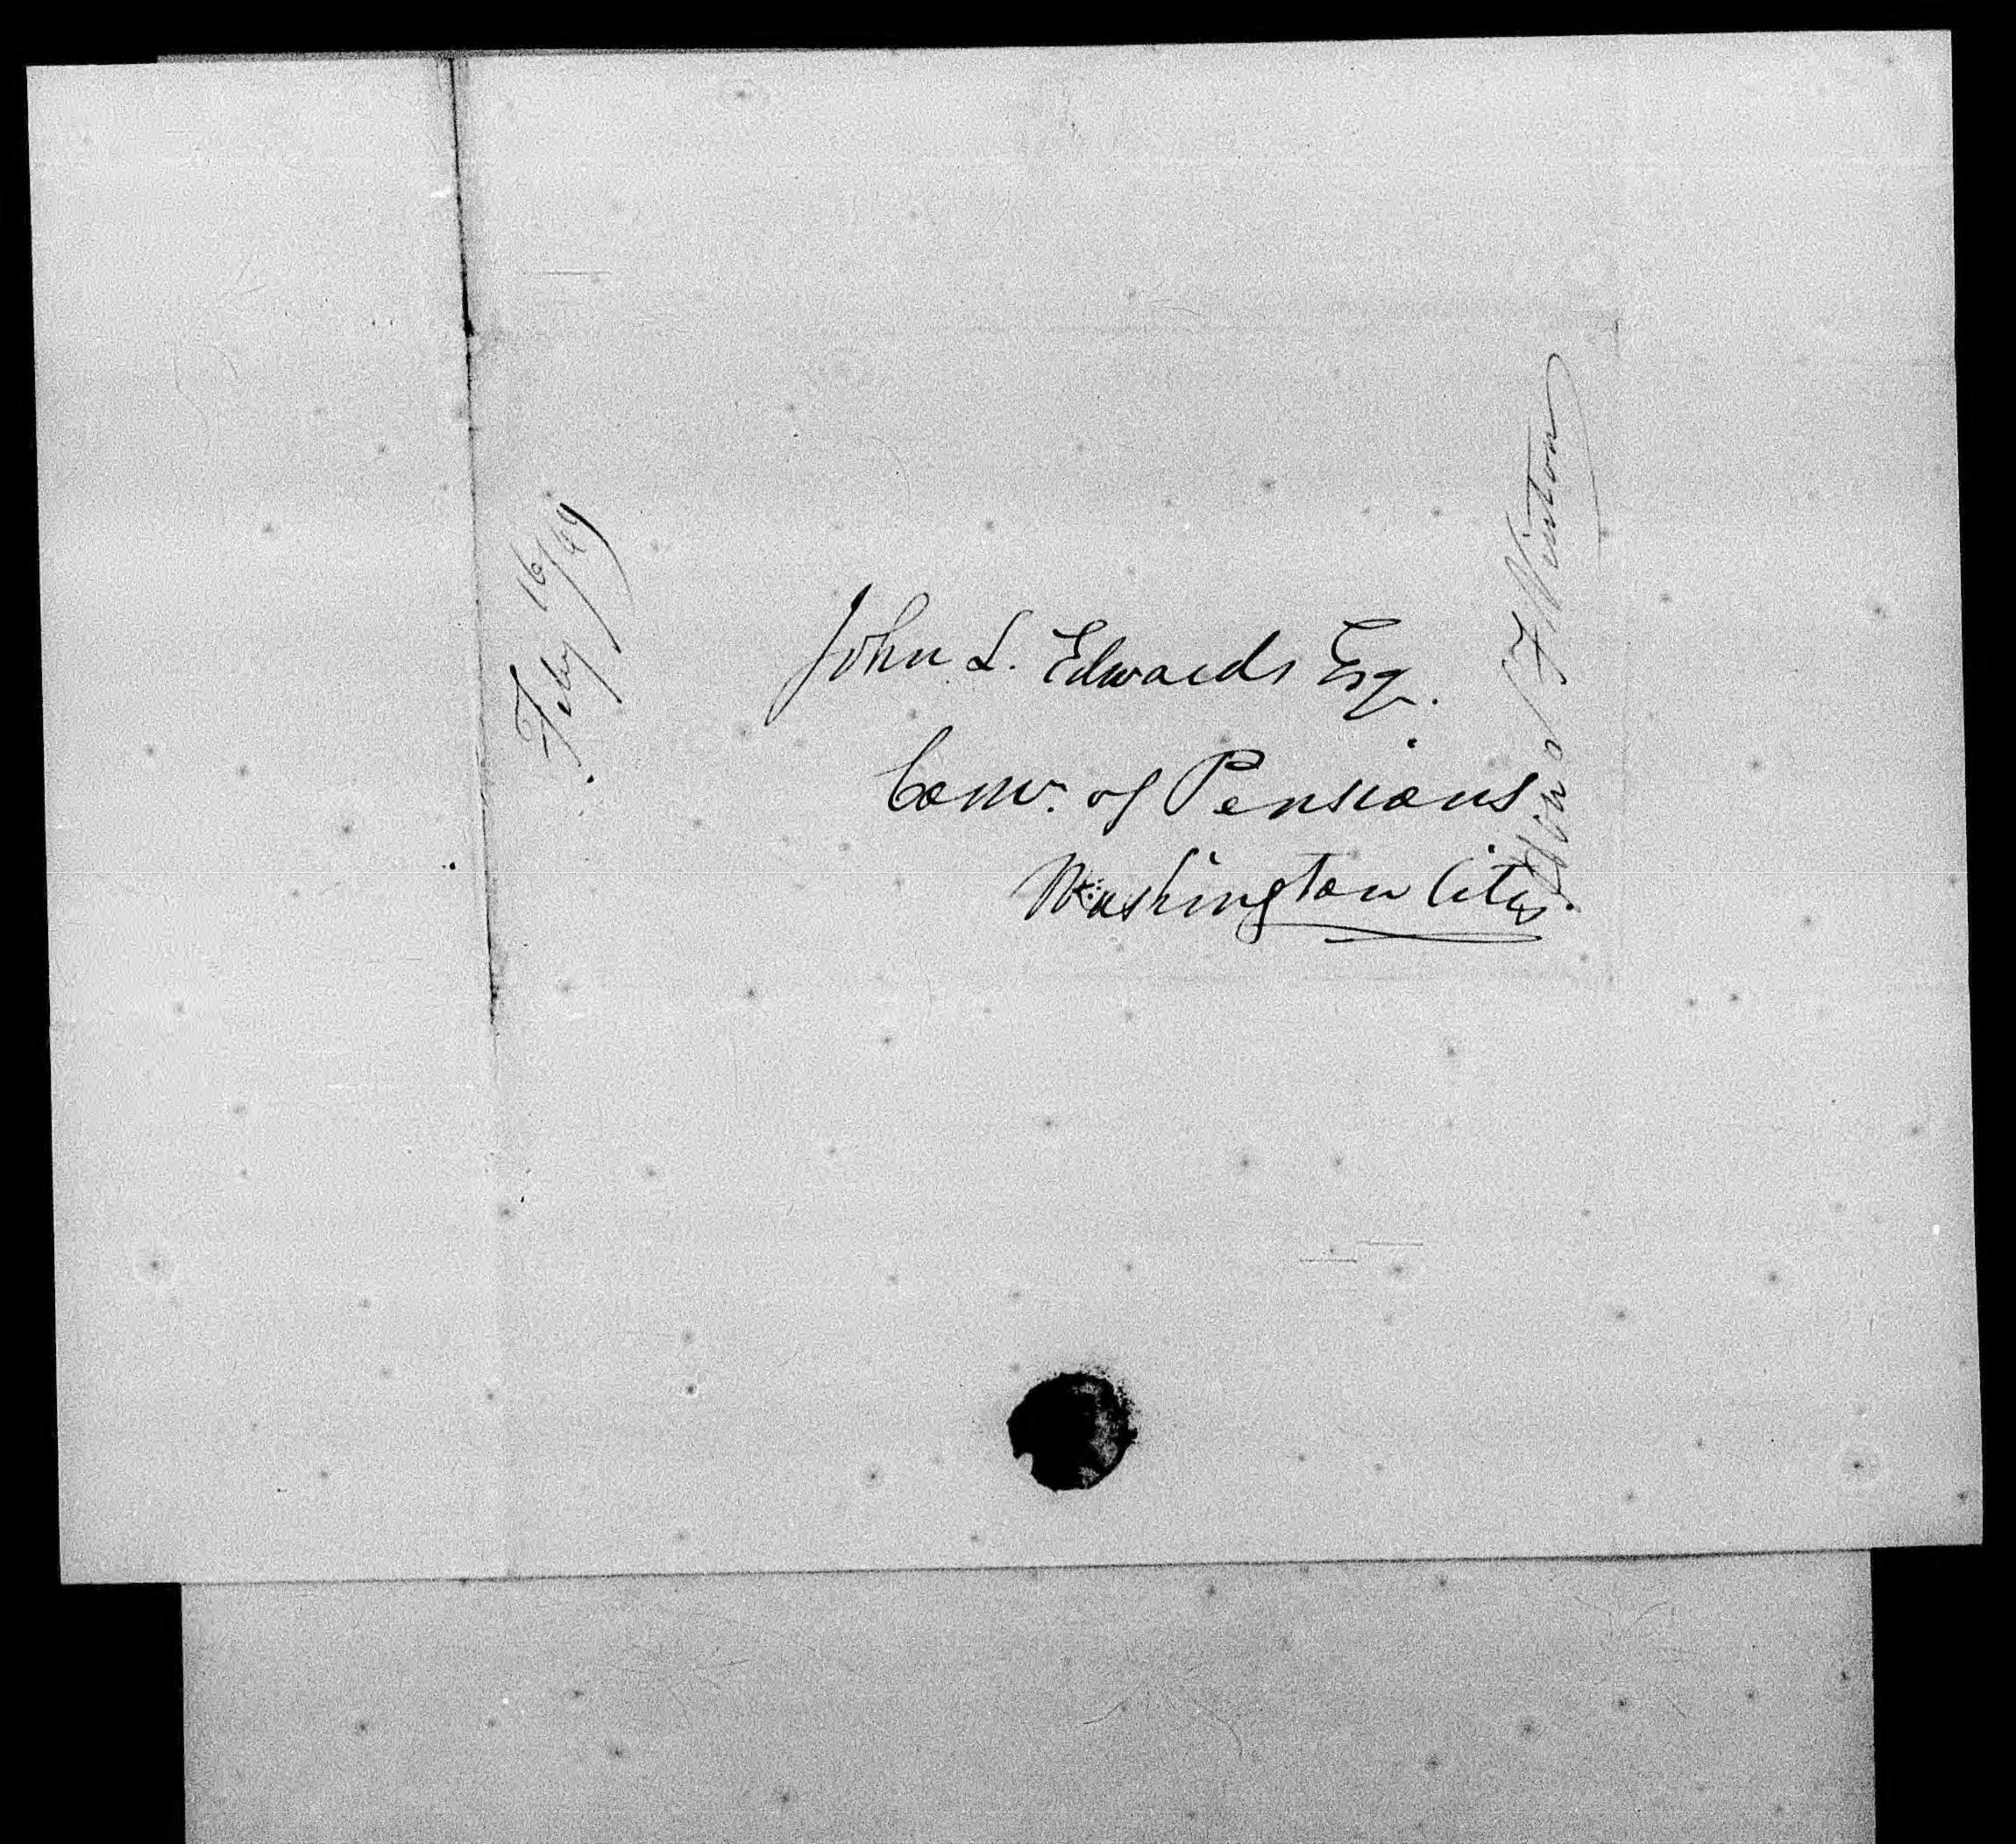Feby 16 / 49

John L. Edwards Esq.
Comm. of Pensions
Washington City

Hon S F Vinton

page: 24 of 50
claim: widow's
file: W. 4253, for John Kent, Vermont